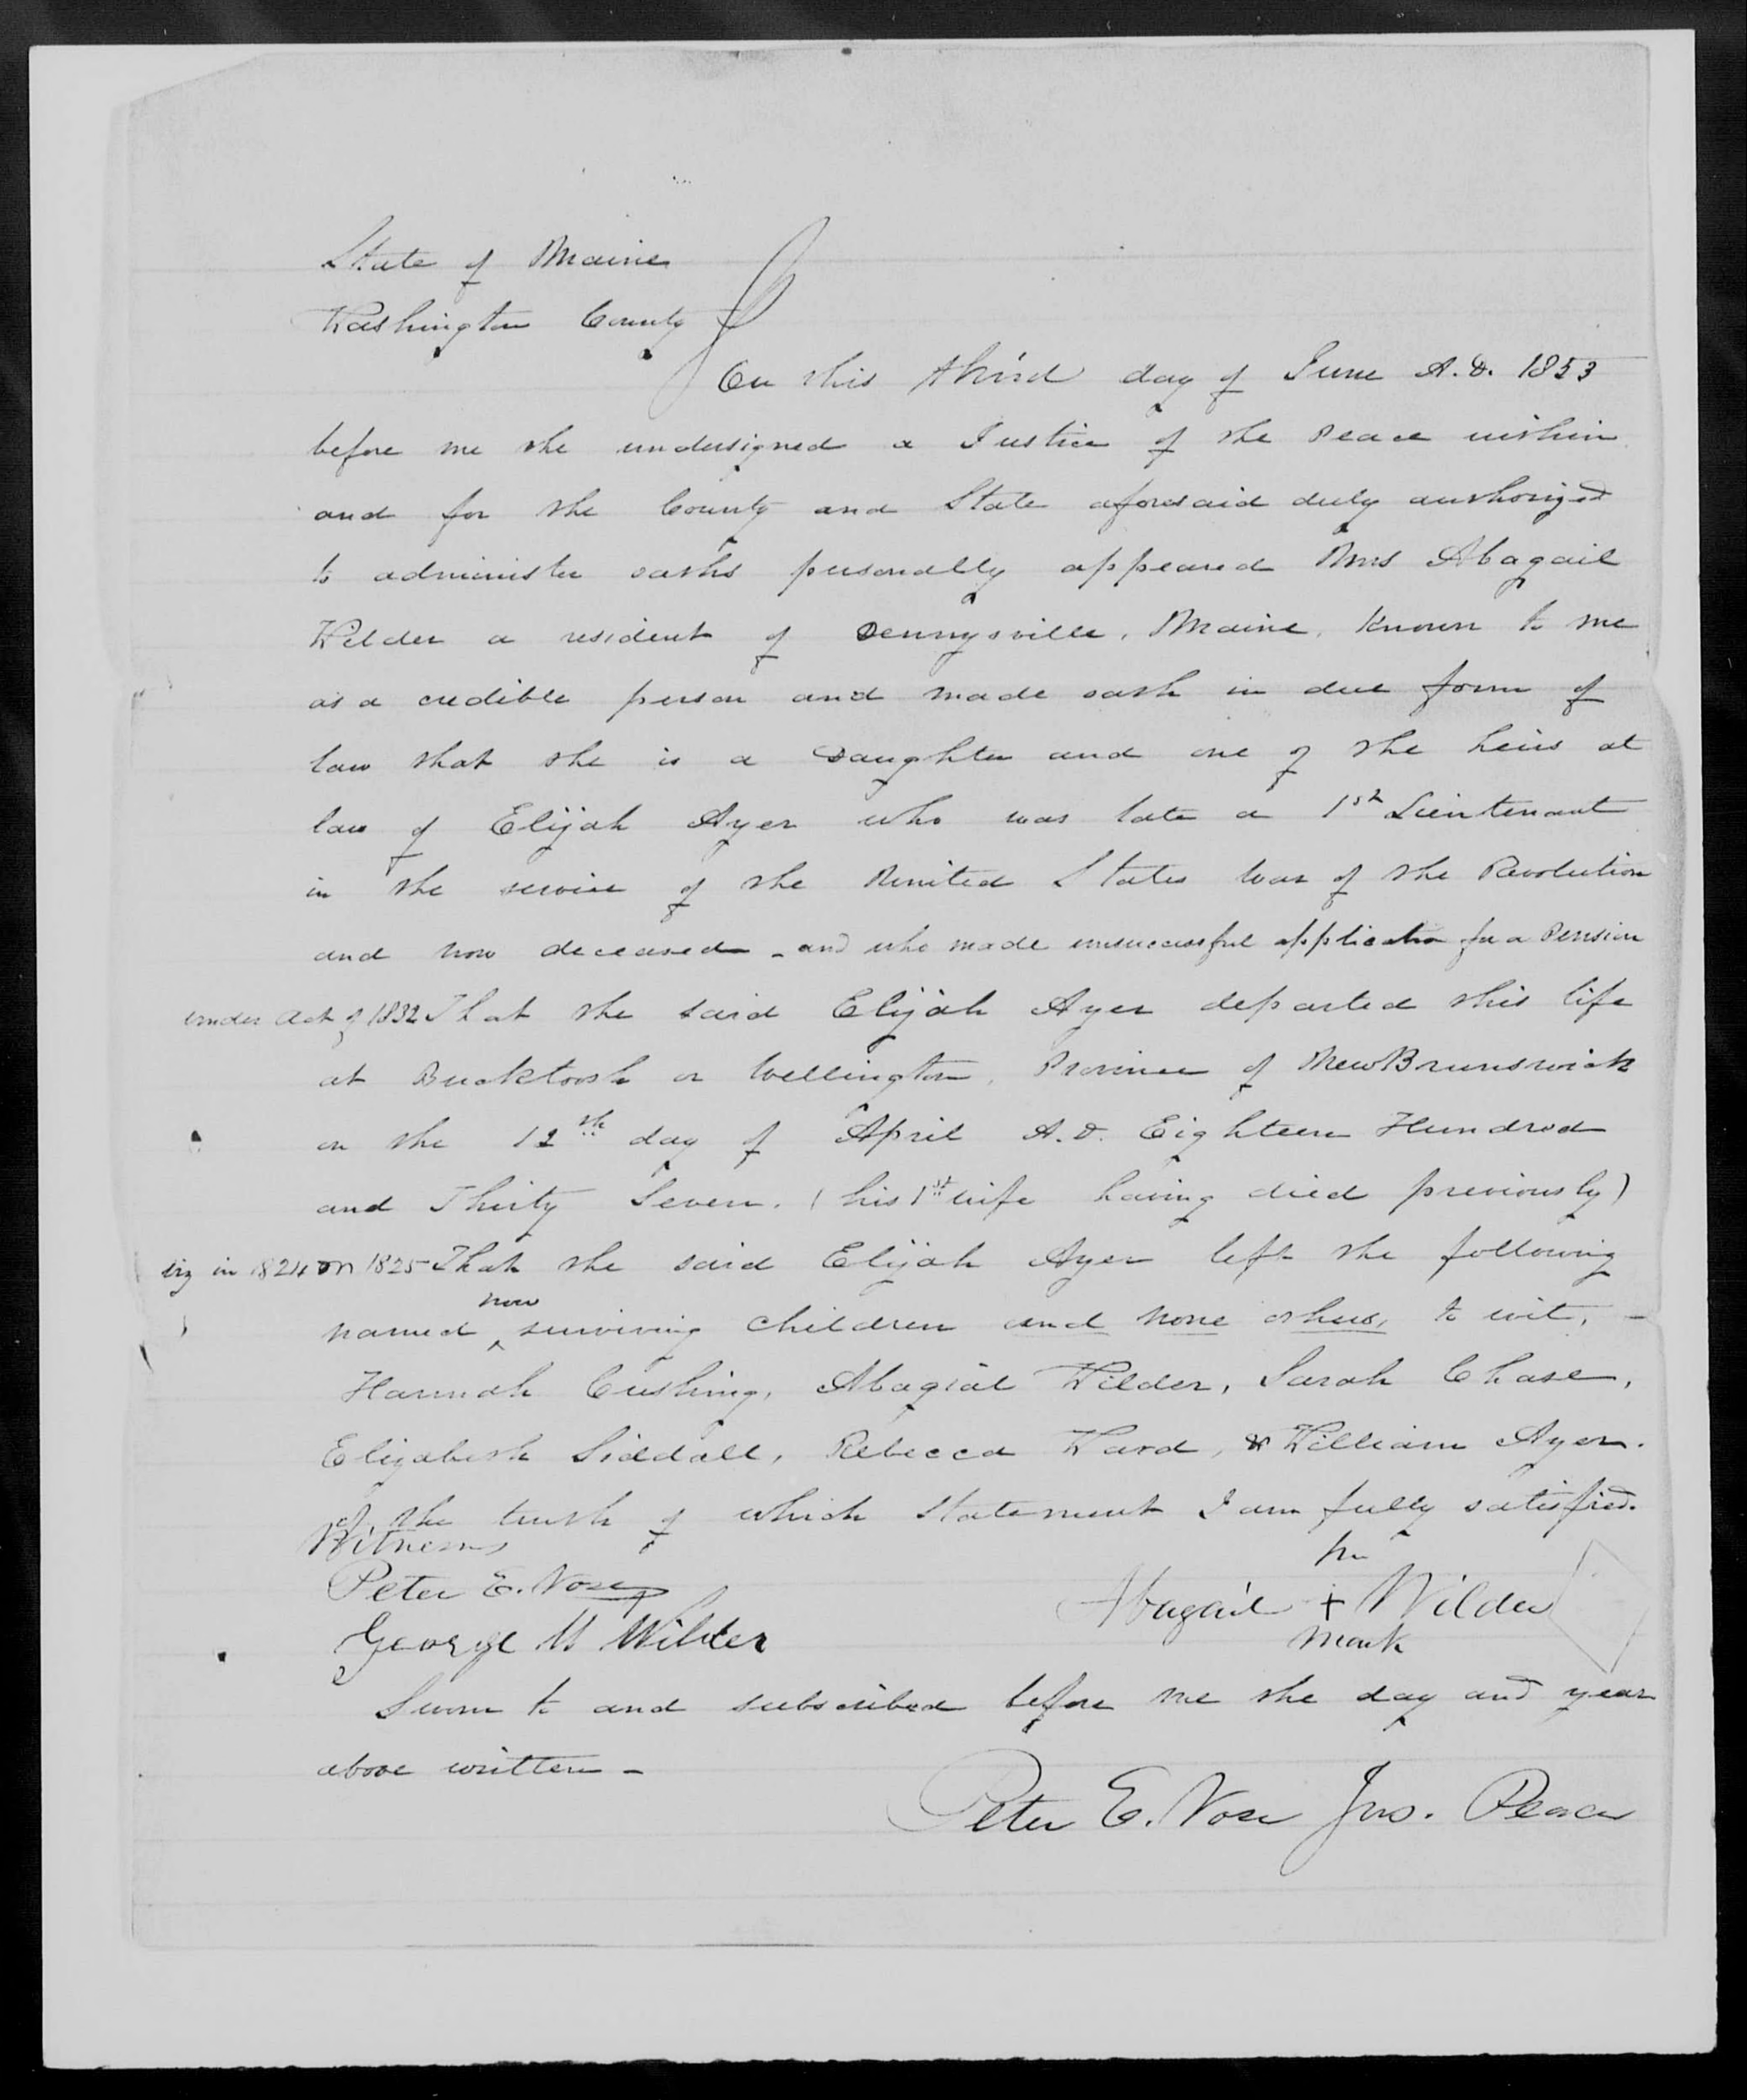State of Maine
Washington County Ss

On this third day of June A.D. 1853 before me the undersigned a Justice of the Peace within
and for the County and State aforesaid duly authorized to administer oaths personally appeared Mrs Abagail Hilder a resident of Dennysville, Maine, known to me as a credible person and made oath in due form of law that she is a daughter and one of the heirs at
law of Elijah Ayer who was late a 1st Lieutenant in the service of the United States War of the Revolution and now deceased and who made unsuccessful application for a Pension under Act of 1832 

That the said Elijah Ayer departed this life
at [[Bucktoosh]] (Bouctouche) or Wellington, Province of New Brunswick on the 12th day of April A.D. Eighteen Hundred
and Thirty Seven, 1 his 1st wife having died previously,
ing in 1824 1825 that the said Elijah Ayer left the following
New
named surviving children and none others, to wit,
Hannah Cushing, Abagial Hilder, Sarah Chase,
Elizabeth Siddall, Rebecca Ward, & William Ayer
the truth of which statement I am fully satisfied
Peter E. Vose
he
George W Wilder
Abagail & Wilder
mark
Sworn to and subscribed before me the day and year
above written
Peter E. Rose Jus. Peace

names: Hannah Cushing, Elijah Ayer, William Ayer, Abagail Wilder, Sarah Chase, Peter E Vose, Elijah Ayer, Elizabeth Siddall, Rebecca Ward, George M Wilder, Peter E Vose, Abagial Wilder, Abagail Wilder, Elijah Ayer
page: 6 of 52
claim: survivor's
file: S. 30,838, Elijah Ayer, Mass